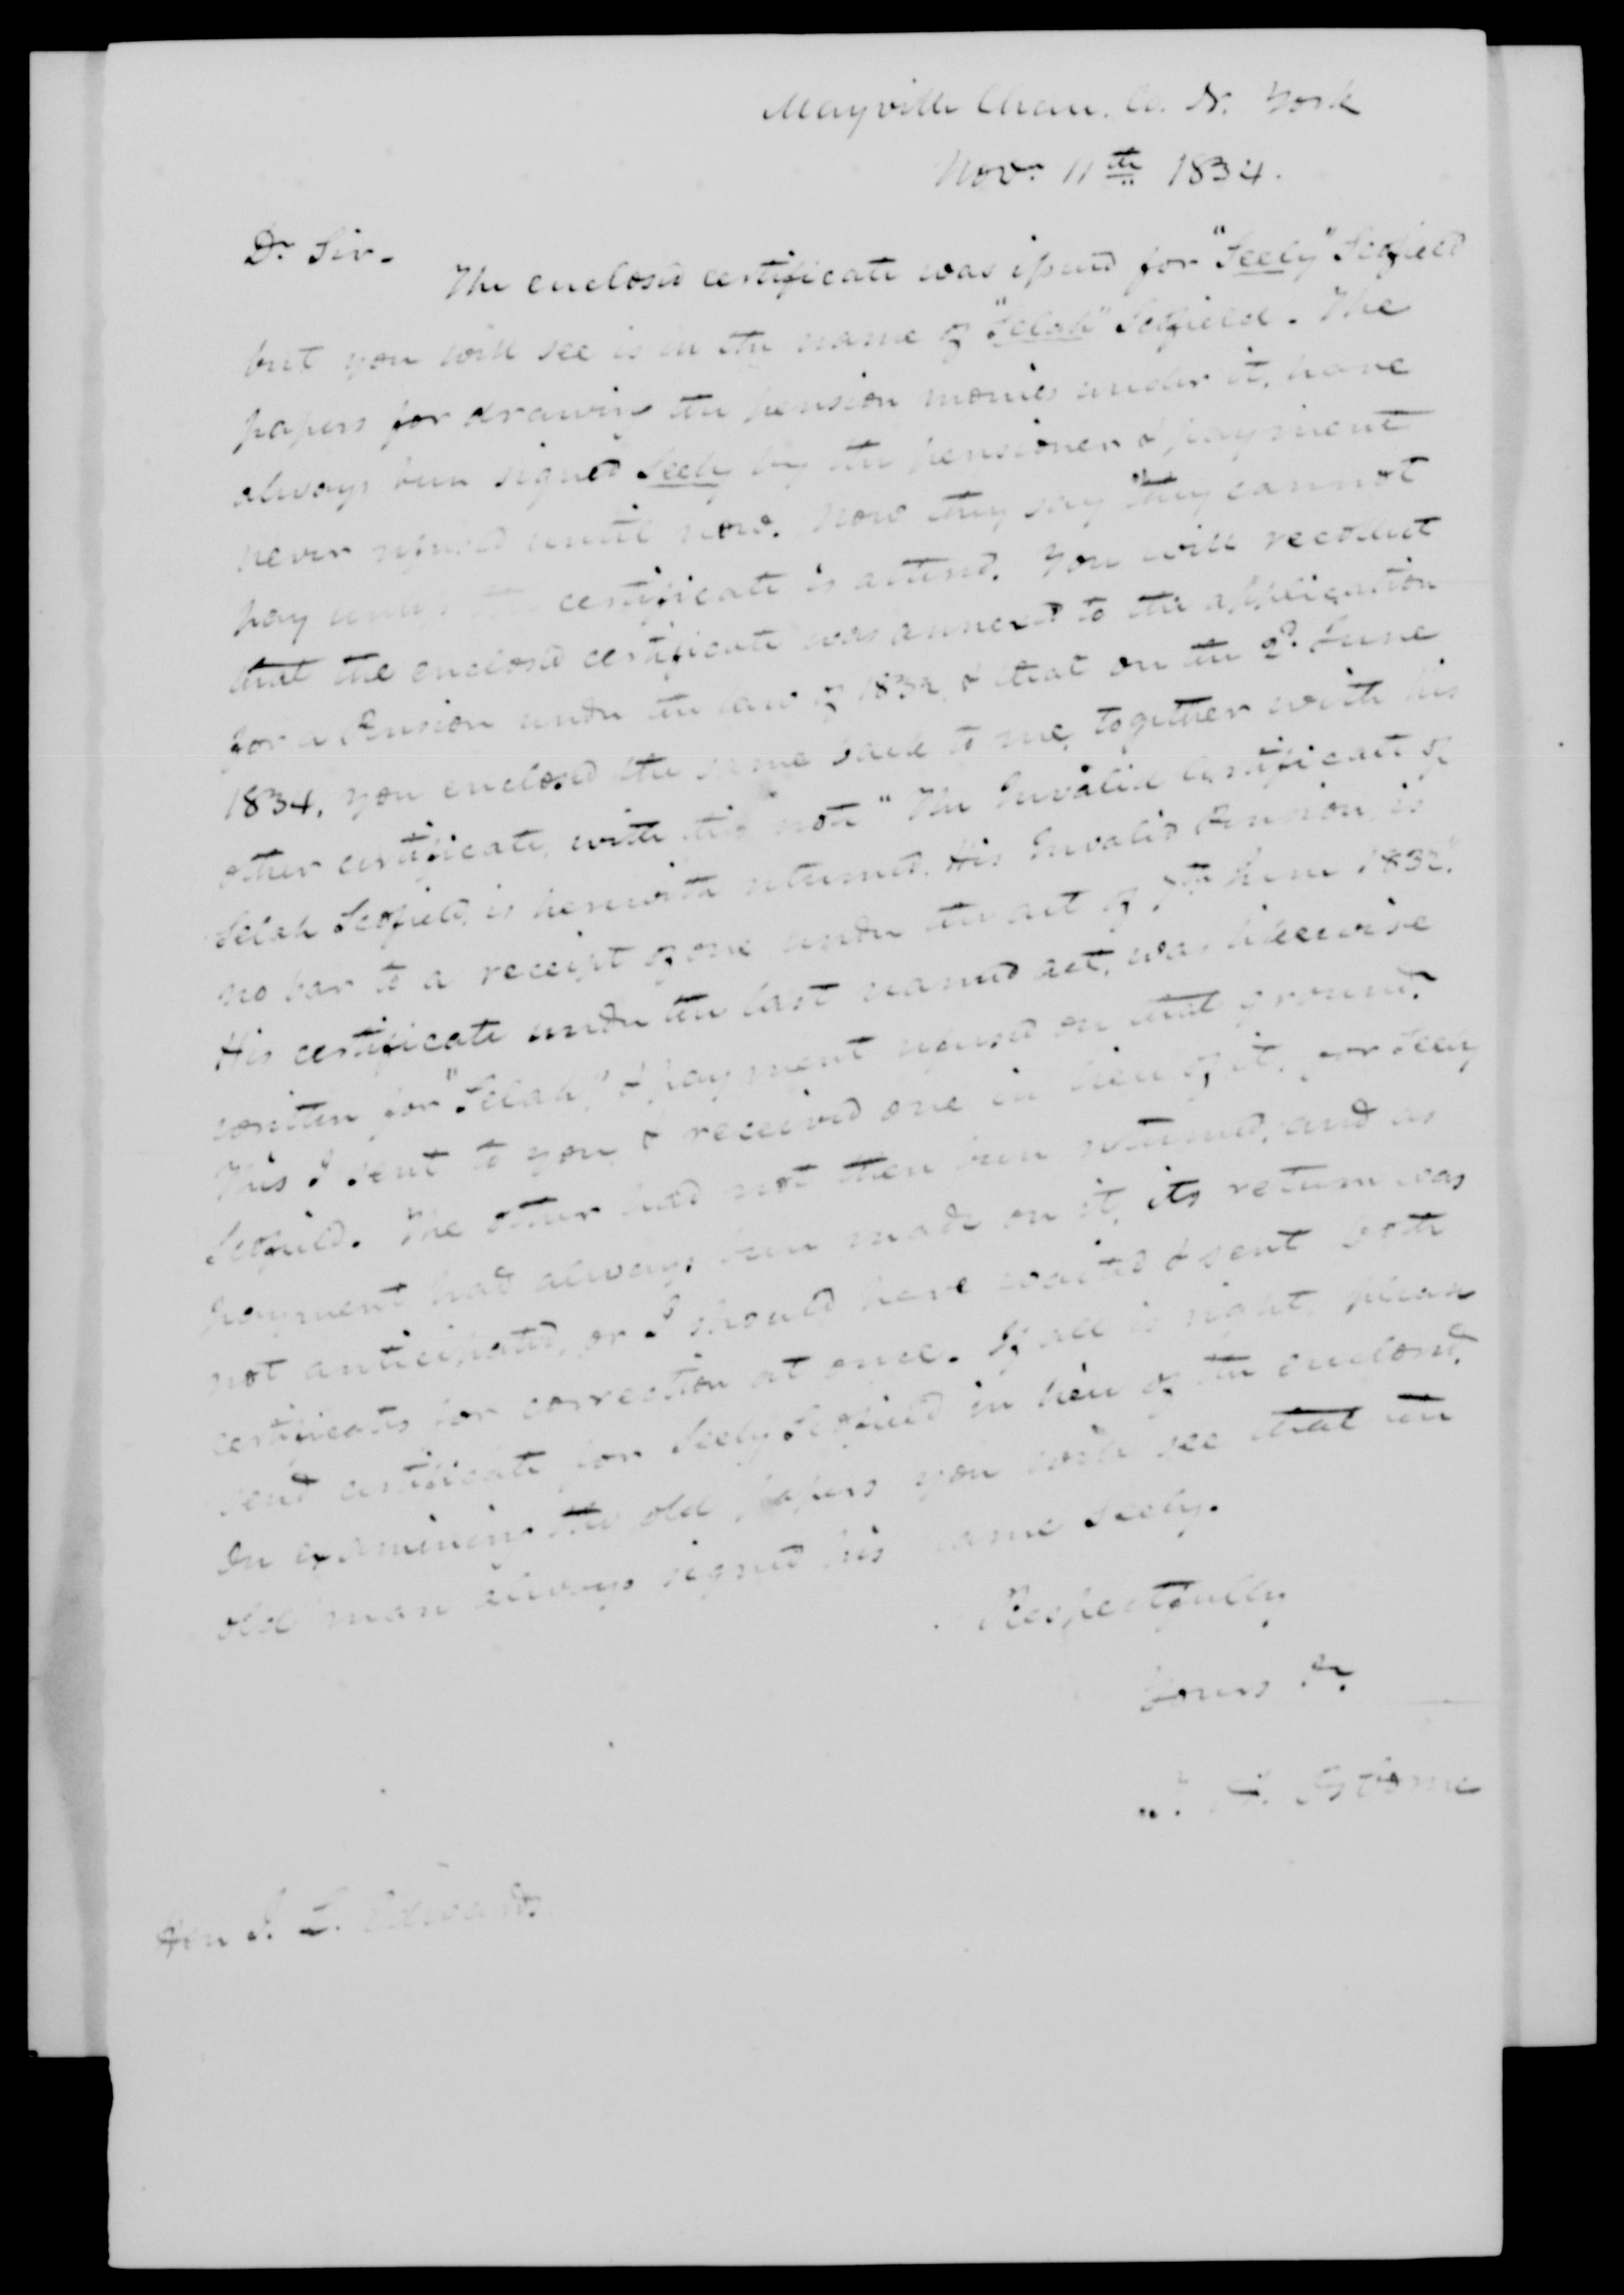Mayville Chau. Co. N. York Nov. 11th 1834. 
Dr. Sir
The enclosed certificate was issued for “Seely” Scofield but you will see is in the name of “Selah” Scofield.   The papers for drawing in pension monies under it have always been signed Seely by the pensioner & payment never refused until now.  Now they say they cannot pay unless the certificate is altered.  You will recollect that the enclosed certificate was annexed to the application for a pension under the law of 1832 & that on the 2d June 1834, you enclosed the  same back to me together with this other certificate, with this note “The Invalid Certificate of Selah Scofield is herewith returned.  His Invalid Pension is no bar to a receipt of one under the Act of 7th June 1832.” His certificate under last named act was likewise written for “Selah” & payment refused on that ground.  
This I sent to you & received one in lieu of it for “Seely” Scofield.  The other had not then been returned and as payment had always been made on it, its return was not anticipated or I should have waited & sent both certificates for correction at once.  If all is right, please send certificate for “Seely” Scofield in lieu of the enclosed.  On examination of old papers you will see that the old man always signed his name Seely.
Respectfully Yours &c
T. A. Osborne
Hon J. L. Edwards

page: 18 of 36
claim: survivor's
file: S. 10,004, for Seely Scofield, Connecticut